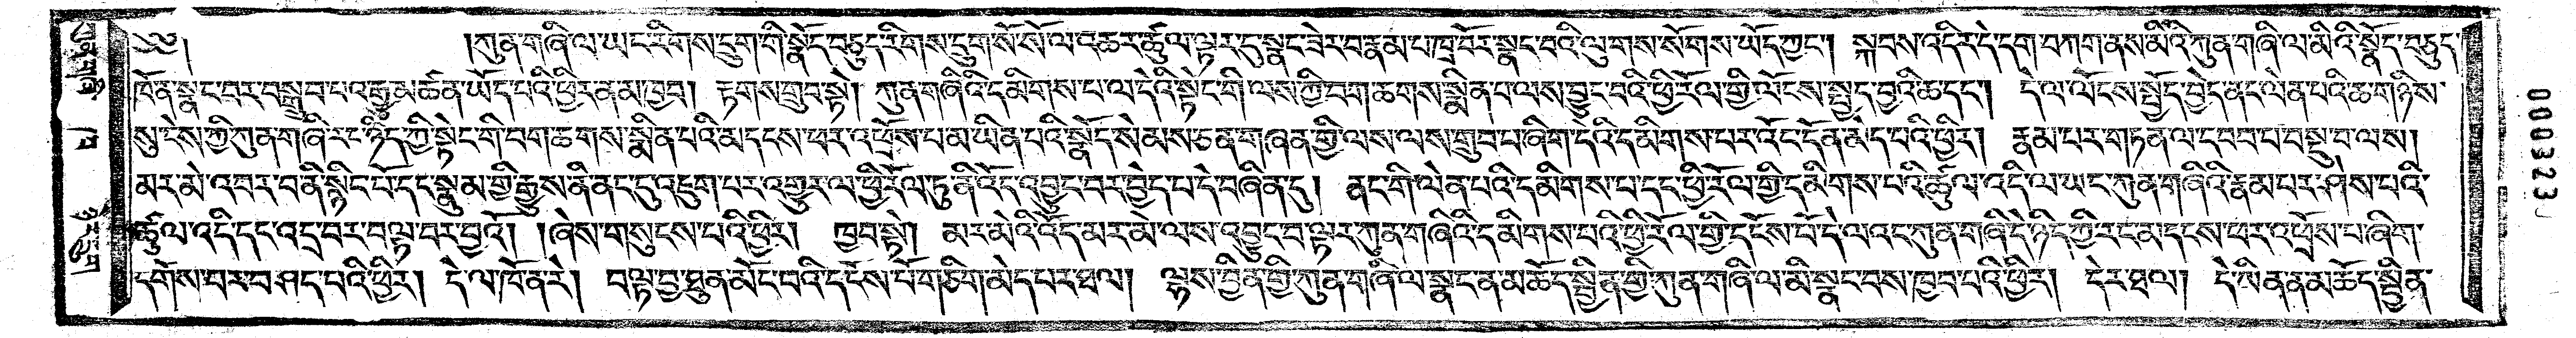༄༅། །ཀུན་གཞི་ལ་ཡང་རིགས་དྲུག་གི་སྣོད་བཅུད་རིགས་དྲུག་སོ་སོ་ལ་འཆར་ཚུལ་ལྟར་དུ་སྣང་ཟེར་བ་རྣམ་པ་ཁྲ་བོར་སྣང་བའི་ལུགས་སོགས་ཡོད་ཀྱང་། སྐབས་འདིར་དེ་དག་བཀག་ནས་མིའི་ཀུན་གཞི་ལ་མིའི་སྣོད་བཅུད་
ཁོ་ན་སྣང་བར་བསྒྲུབ་པའི་རྒྱུ་མཚན་ཡོད་པའི་ཕྱིར་ནམ་ཁྱབ། རྟགས་གྲུབ་སྟེ། ཀུན་གཞིའི་དམིགས་པ་ལ་དེའི་སྟེང་གི་ལས་ཀྱི་བག་ཆགས་སྨིན་པ་ལས་བྱུང་བའི་ཕྱི་རོལ་གྱི་ལོངས་སྤྱད་བྱའི་ཆ་དང་། དེ་ལ་ལོངས་སྤྱོད་བྱེད་ནང་ལེན་པའི་ཆ་གཉིས་
སུ་ངེས་ཀྱི་ཀུན་གཞི་རང་ཉིད་ཀྱི་སྟེང་གི་བག་ཆགས་སྨིན་པའི་མདངས་ཕར་འཕྲོས་པ་མ་ཡིན་པའི་སྣོད་སེམས་ཅན་གཞན་གྱི་ལས་ལས་གྲུབ་པ་ཞིག་དེའི་དམིགས་པར་འོང་དོན་མེད་པའི་ཕྱིར། རྣམ་པར་གཏན་ལ་དབབ་པ་བསྡུ་བ་ལས།
མར་མེ་འབར་བ་ནི་སྙིང་པོ་དང་སྣུམ་གྱི་རྒྱུས་ནི་ནང་དུ་འཇུག་པར་འགྱུར་ལ་ཕྱི་རོལ་ཏུ་ནི་འོད་འབྱུང་བར་བྱེད་པ་དེ་བཞིན་དུ། ནང་གི་ལེན་པའི་དམིགས་པ་དང་ཕྱི་རོལ་གྱི་དམིགས་པའི་ཚུལ་འདི་ལ་ཡང་ཀུན་གཞིའི་རྣམ་པར་ཤེས་པའི་
ཚུལ་འདི་དང་འདྲ་བར་བལྟ་བར་བྱའོ། །ཞེས་གསུངས་པའི་ཕྱིར། ཁྱབ་སྟེ། མར་མེའི་འོད་མར་མེ་ལས་འབྱུང་བ་ལྟར་ཀུན་གཞིའི་དམིགས་པའི་ཕྱི་རོལ་གྱི་དངོས་པོ་དེ་ལའང་ཀུན་གཞི་དེ་ཉིད་ཀྱི་རང་མདངས་ཕར་འཕྲོས་པ་ཞིག་
དགོས་པར་བཤད་པའི་ཕྱིར། དེ་ལ་ཁོ་ན་རེ། བལྟ་བྱ་ཐུན་མོང་བའི་དངོས་པོ་གཅིག་མེད་པར་ཐལ། ལྷས་བྱིན་གྱི་ཀུན་གཞི་ལ་སྣང་ན་མཆོད་སྦྱིན་གྱི་ཀུན་གཞི་ལ་མི་སྣང་བས་ཁྱབ་པའི་ཕྱིར། དེར་ཐལ། དེ་ཡིན་ན་མཆོད་སྦྱིན་